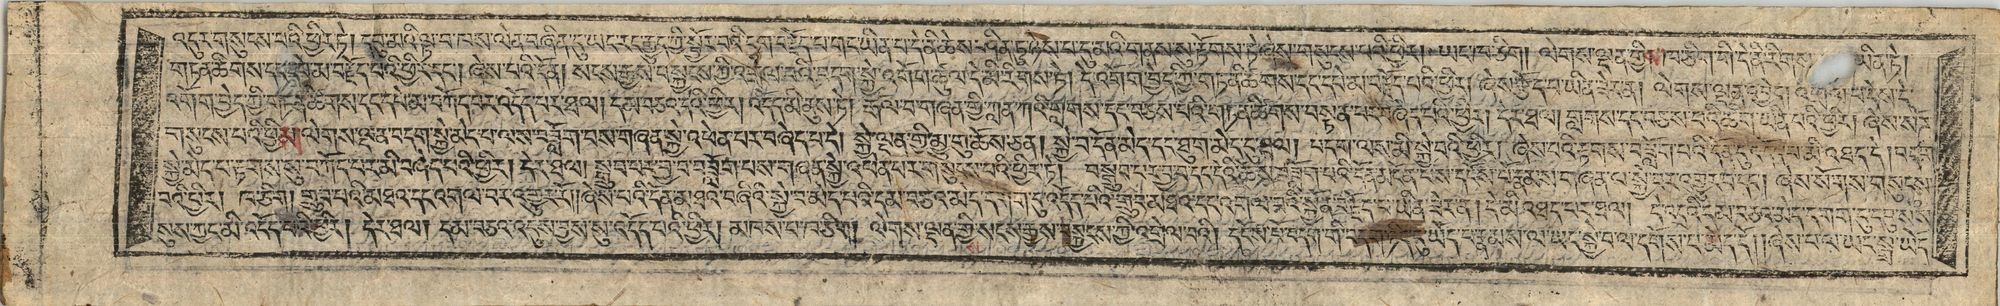འདུར་གསུངས་པའི་ཕྱིར་ཏེ། དབུ་མའི་ལྟ་བ་ཁས་ལེན་བཞིན་དུ་ཡང་རང་རྒྱུད་ཀྱི་སྦྱོར་བའི་དག་བརྗོད་པ་གང་ཡིན་པ་དེ་ནི་ཆོས་ཤིན་ཏུ་ཉེས་པ་དུ་མའི་གནས་སུ་རྟོགས་ཏེ་ཞེས་གསུངས་པའི་ཕྱིར། ཡང་ཁ་ཅིག །ལེགས་ལྡན་གྱིས་ཁ་ཅིག་གི་དེ་ནི་རིགས་པ་མ་ཡིན་ཏེ།
གཏན་ཚིགས་དང་དཔེ་མ་བརྗོད་པའི་ཕྱིར་དང་། ཞེས་པའི་དོན། སངས་རྒྱས་བསྐྱངས་ཀྱི་འགྲེལ་བའི་བདག་སྐྱེ་འགོག་ཚུལ་དེ་མི་རིགས་ཏེ། དེ་འགོག་བྱེད་ཀྱི་གཏན་ཚིགས་དང་དཔེ་མ་བརྗོད་པའི་ཕྱིར། ཞེས་རྩོད་པ་ཡིན་ཟེར་ན། ལེགས་ལྡན་འབྱེད། འགྲེལ་པ་དེས་དེ་
འགོག་བྱེད་ཀྱི་གཏན་ཚིགས་དང་དཔེ་མ་བཀོད་པར་འདོད་པར་ཐལ། དམ་བཅའ་དེའི་ཕྱིར། འདོད་མི་ནུས་ཏེ། རྒོལ་བ་གཞན་གྱི་ཀླན་ཀའི་གླགས་དང་བཅས་པའི་གཏན་ཚིགས་བསྟན་པར་བཞེད་པའི་ཕྱིར། དེར་ཐལ། གླགས་དང་བཅས་པའི་ཚིག་ཡིན་པའི་ཕྱིར། ཞེས་སོགས་
གསུངས་པའི་ཕྱིར། ལེགས་ལྡན་བདག་སྐྱེ་མེད་པ་ལས་བཟློག་པས་གཞན་སྐྱེ་འཕེན་པར་བཞེད་པ་དེ། སྐྱེ་ལྡན་གྱི་མྱུ་གུ་ཆོས་ཅན། སྐྱེ་བ་དོན་མེད་དང་ཐུག་མེད་དུ་ཐལ། བདག་ལས་མི་སྐྱེ་བའི་ཕྱིར། ཞེས་པའི་རྟགས་བཟློག་པའི་དོན་དུ་འདོད་པ་མི་འཐད་དེ། བདག་
སྐྱེ་མེད་པ་རྟགས་སུ་བཀོད་པར་མི་བཞེད་པའི་ཕྱིར། དེར་ཐལ། སྒྲུབ་པར་བྱ་བ་བཟློག་པས་གཞན་སྐྱེ་འཕེན་པར་གསུངས་པའི་ཕྱིར་ཏེ། བསྒྲུབ་པར་བྱ་བ་དང་དེའི་ཆོས་བཟློག་པའི་དོན་མངོན་པས་དངོས་པོ་རྣམས་གཞན་ལ་སྐྱེ་བར་འགྱུར་བ་དང་། ཞེས་སོགས་གསུངས་
པའི་ཕྱིར། ཁ་ཅིག །གྲུབ་པའི་མཐའ་དང་འགལ་བར་འགྱུར་རོ། །ཞེས་པའི་དོན་མཐའ་བཞིའི་སྐྱེ་བ་མེད་པའི་དམ་བཅའ་མེད་དགག་དུ་འདོད་པའི་གྲུབ་མཐའ་དང་འགལ་བའི་སྐྱོན་བརྗོད་པ་ཡིན་ཟེར་ན། དེ་མི་འཐད་པར་ཐལ། དེ་འདྲའི་དམ་བཅའ་མེད་དགག་དུ་དབུ་སེམས་
སུས་ཀྱང་མི་འདོད་པའི་ཕྱིར། དེར་ཐལ། དམ་བཅའ་འདུས་བྱས་སུ་འདོད་པའི་ཕྱིར། མཁས་པ་ཁ་ཅིག །ལེགས་ལྡན་གྱི་སངས་རྒྱས་བསྐྱངས་ཀྱི་འགྲེལ་བའི། དངོས་པོ་བདག་གི་བདག་ཉིད་དུ་ཡོད་པ་རྣམས་ལ་ཡང་སྐྱེ་བ་ལ་དགོས་པ་མེད་དོ། །ཞེས་པ་ལ་ཡང་སྒྲ་ཡོད་